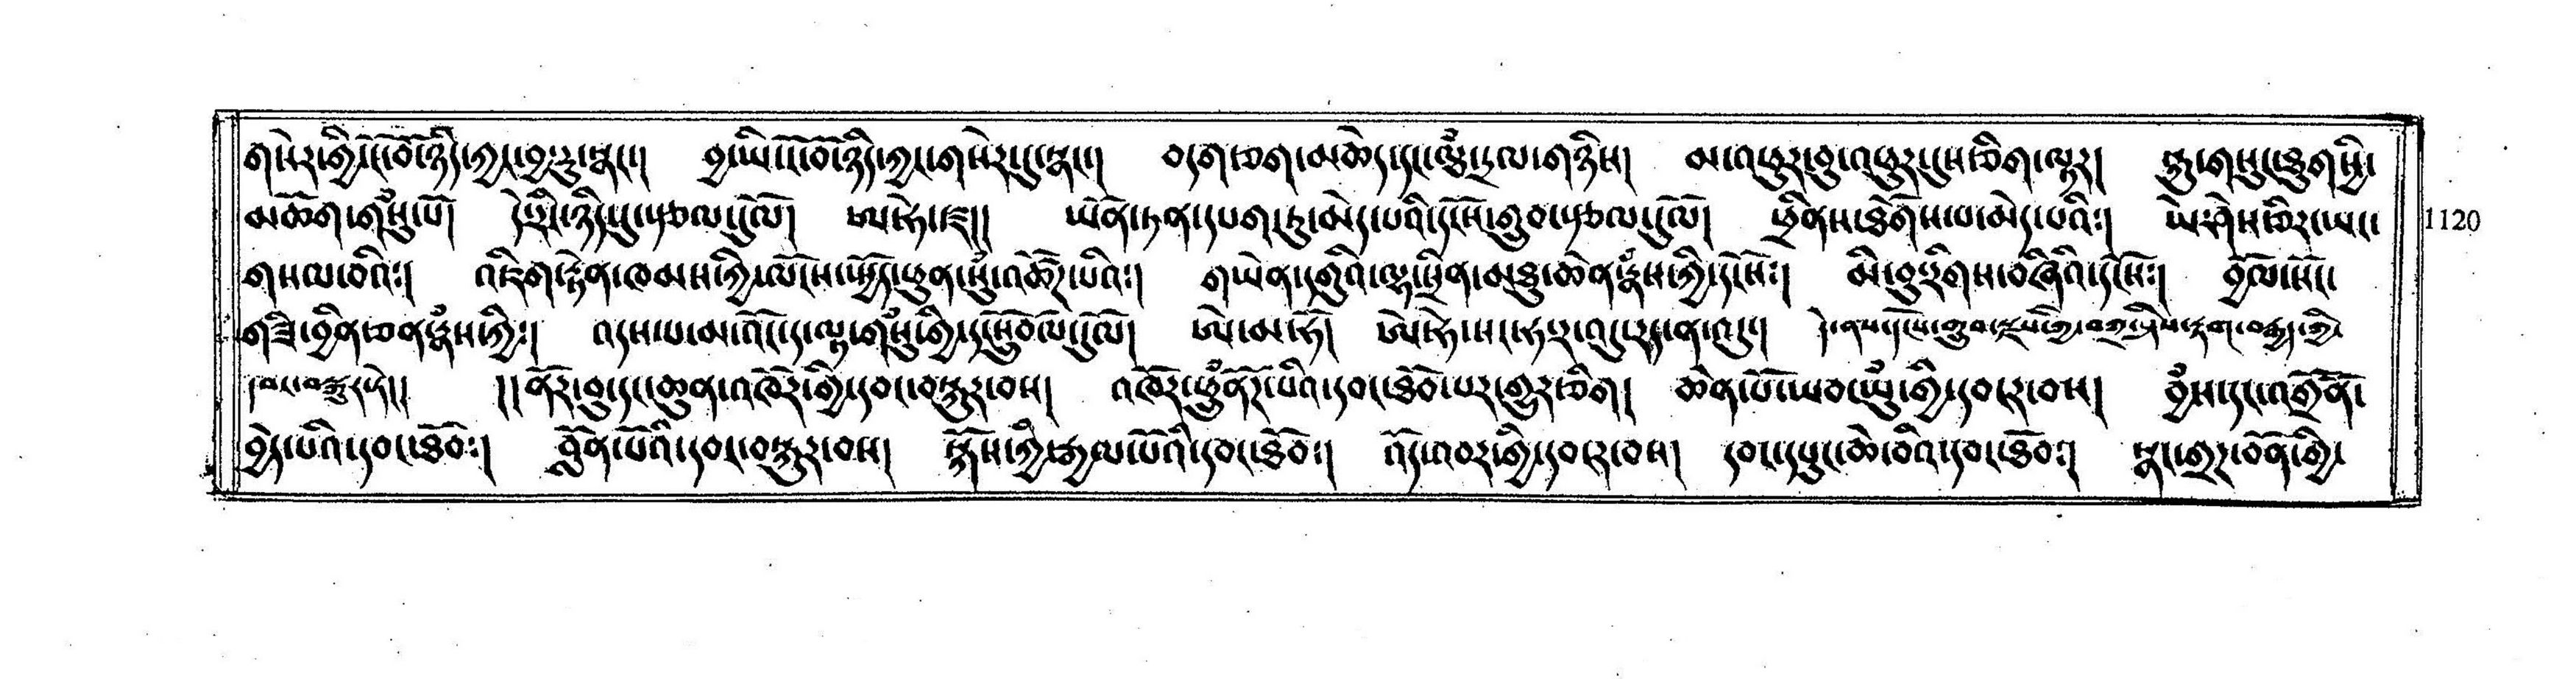གསེར་གྱི་ངོ་བོ་ཉིད་ཀྱང་བྱ་རུ་སྣང་། བྱ་ཡི་ངོ་བོ་ཉིད་ཀྱང་གསེར་དུ་སྣང་། བདག་ཅག་མཆེད་དང་ལྕམ་དྲལ་གཉིས། མ་འཕུར་བུ་འཕུར་དུས་ཅིག་ལྟར། སྐུ་གསུང་ཐུགས་ཀྱི་
མཆོག་གསུམ་པོ། དི་རིང་ཉིད་དུ་སྩལ་དུ་གསོལ། ཨ་ཧེ་ཛ།། ཡོན་ཏན་དཔག་ཏུ་མེད་པའི་དངོས་གྲུབ་སྩལ་དུ་གསོལ། ཕྲིན་ལས་ཐོགས་པ་མེད་པའི༴། ཡེ་ཤེས་ཅིར་ཡང་
གསལ་བའི༴། འཇིག་རྟེན་ཁམས་ཀྱི་ལོངས་སྤྱོད་ཕུན་སུམ་འཚོགས་པའི༴། གཡེན་དགུའི་ལྷ་སྲིན་མཐུ་ཆེན་རྣམས་ཀྱི་དངོས༴། མི་བུ་རིགས་བཞིའི་དངོས༴། བྱོལ་སོང་
གཟི་བྱིན་ཅན་རྣམས་ཀྱི༴། འདས་པ་མ་འོང་ད་ལྟ་གསུམ་གྱི་དངོས་གྲུབ་སྩལ་དུ་གསོལ། ཨེ་མ་ཧོ། ཨེ་ཧེ་སང་ཧ་ར་འདུ་རད་ན་འདུ། དེ་ནས་དངོས་གྲུབ་རྫས་ཀྱི་བཀྲ་ཤིས་རྟག་བརྒྱད་ཀྱི་
དབང་བསྐུར་ཏེ། །།ནོར་བུ་དང་{1141}ཆུན་འཁོར་གྱི་དབང་བསྐུར་བས། འཁོར་ཕུན་སུམ་ཚོགས་པའི་དབང་ཐོབ་པར་གྱུར་ཅིག ཆེན་པོ་ཡབ་ཡུམ་གྱི་དབང་བསྐུར་བས། བྱམས་དང་འགྲོ་དོན་
བྱེད་པའི་དབང་ཐོབ༴། བློན་པོའི་དབང་བསྐུར་བས། སྐོས་ཀྱི་རྒྱལ་པོའི་དབང་ཐོབ༴། འོད་འབར་གྱི་དབང་བསྐུར་བས། དབང་དཔུང་ཆེ་བའི་དབང་ཐོབ༴། སྣང་གྲགས་བོན་གྱི་